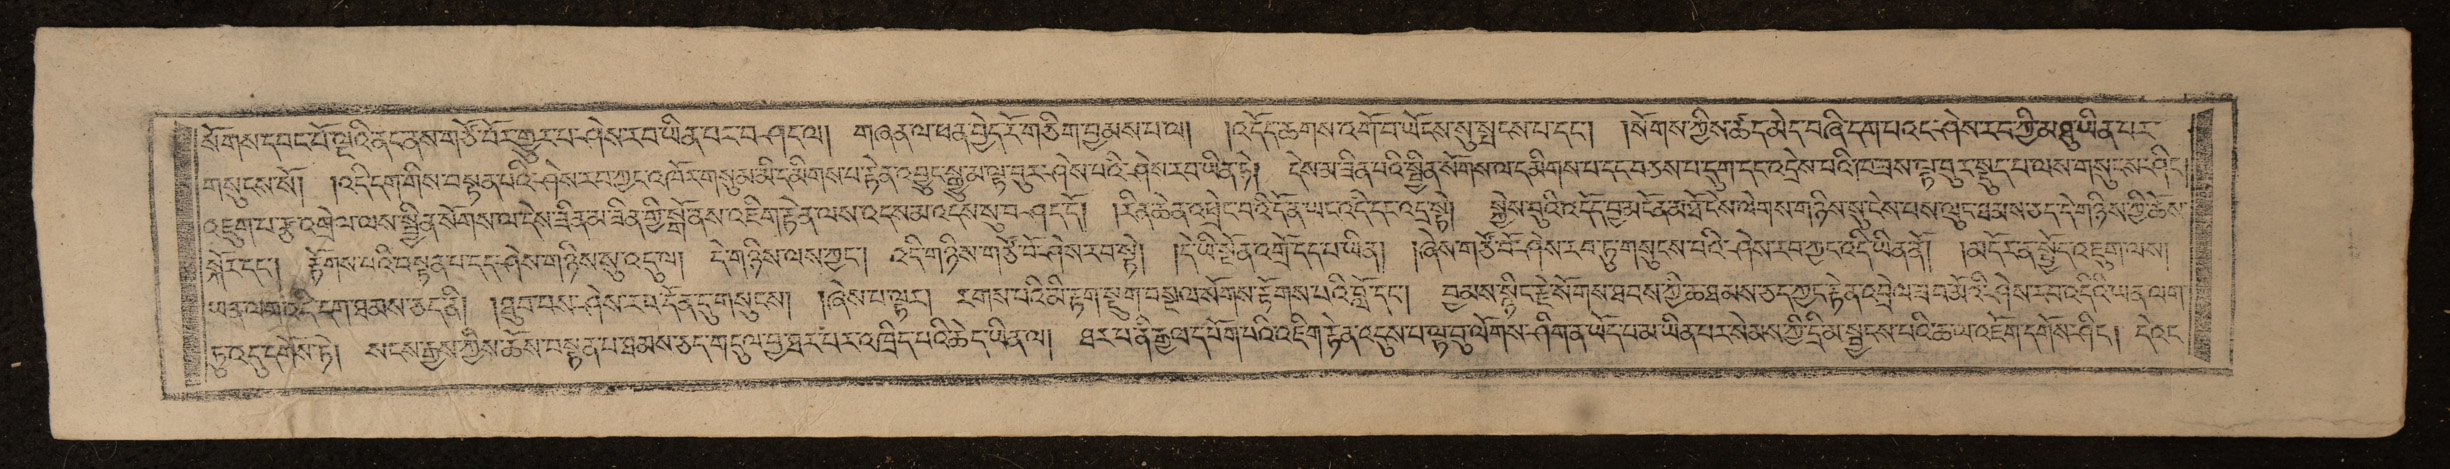སོགས་དབང་པོ་ལྔའི་ནང་ནས་གཙོ་བོར་གྱུར་བ་ཤེས་རབ་ཡིན་པར་བཤད་ལ། གཞན་ལ་ཕན་བྱེད་རོ་གཅིག་བྱམས་པ་ལ། །འདོད་ཆགས་འགོ་བ་ཡོངས་སུ་སྤངས་པ་དང་། །སོགས་ཀྱིས་ཚད་མེད་བཞི་དག་བའང་ཤེས་རབ་ཀྱི་མཐུ་ཡིན་པར་
གསུངས་སོ། །འདི་དག་གིས་བསྟན་པའི་ཤེས་རབ་ཀྱང་འཁོར་གསུམ་མི་དམིགས་པ་རྟེན་འབྱུང་སྒྱུ་མ་ལྟ་བུར་ཤེས་པའི་ཤེས་རབ་ཡིན་ཏེ། དེས་མ་ཟིན་བའི་སྦྱིན་སོགས་ལ་དམིགས་པ་དང་བཅས་པ་དུག་དང་འདྲེས་པའི་ཁ་ཟས་ལྟ་བུར་སྡུད་པ་ལས་གསུངས་ཤིང་།
འཇུག་པ་རྩ་འགྲེལ་ལས་སྦྱིན་སོགས་ལ་རས?་ཟིན་མ་ཟིན་གྱི་སྒོ་ནས་འཇིག་རྟེན་ལས་འདས་མ་འདས་སུ་བཤད་དོ། །རིན་ཆེན་འཕྲེང་བའི་དོན་ཡང་འདི་དང་འདྲ་སྟེ། སྐྱེས་བུའི་འདོད་བྱ་མངོན་མཐོ་ངེས་ལེགས་གཉིས་སུ་ངེས་པས་ལུང་ཐམས་ཅད་དེ་གཉིས་ཀྱི་ཆོས་
སྐོར་དང་། རྟོགས་པའི་བསྟན་པ་དང་ཤེས་གཉིས་སུ་འདུལ། དེ་གཉིས་ལས་ཀྱང་། འདི་གཉིས་གཙོ་བོ་ཤེས་རབ་སྟེ། །དེ་ཡི་སྔོན་འགྲོ་དད་པ་ཡིན། །ཞེས་གཙོ་བོ་ཤེས་རབ་ཏུ་གསུངས་པའི་ཤེས་རབ་ཀྱང་འདི་ཡིན་ནོ། །མདོར་ན་སྤྱོད་འཇུག་ལས།
མན་ལག་འདི་དག་ཐམས་ཅད་ནི། །ཐུབ་པས་ཤེས་རབ་དོན་དུ་གསུངས། །ཞེས་པ་ལྟར། རགས་པའི་མི་རྟག་སྡུག་བསྔལ་སོགས་རྟོགས་པའི་བློ་དང་། བྱམས་སྙིང་རྗེ་སོགས་ཐབས་ཀྱི་ཆ་ཐམས་ཅད་ཀྱང་རྟེན་འབྲེལ་ཟབ་མོའི་ཤེས་རབ་འདིའི་ཡན་ལག་
ཏུ་འདུ་དགོས་ཏེ། སངས་རྒྱས་ཀྱིས་ཆོས་བསྟན་པ་ཐམས་ཅད་གདུལ་བྱ་ཐར་བར་འཁྲིད་པའི་ཆེད་ཡིན་ལ། ཐར་བ་ནི་རྒྱལ་དཔོག་བའི་འཇིག་རྟེན་འདུས་བ་ལྟ་བུ་ལོགས་ཤིག་ན་ཡོད་པ་མ་ཡིན་པར་སེམས་ཀྱི་དྲི་མ་སྦྱངས་བའི་ཆ་ལ་འཇོག་དགོས་ཤིང་། དེའང་